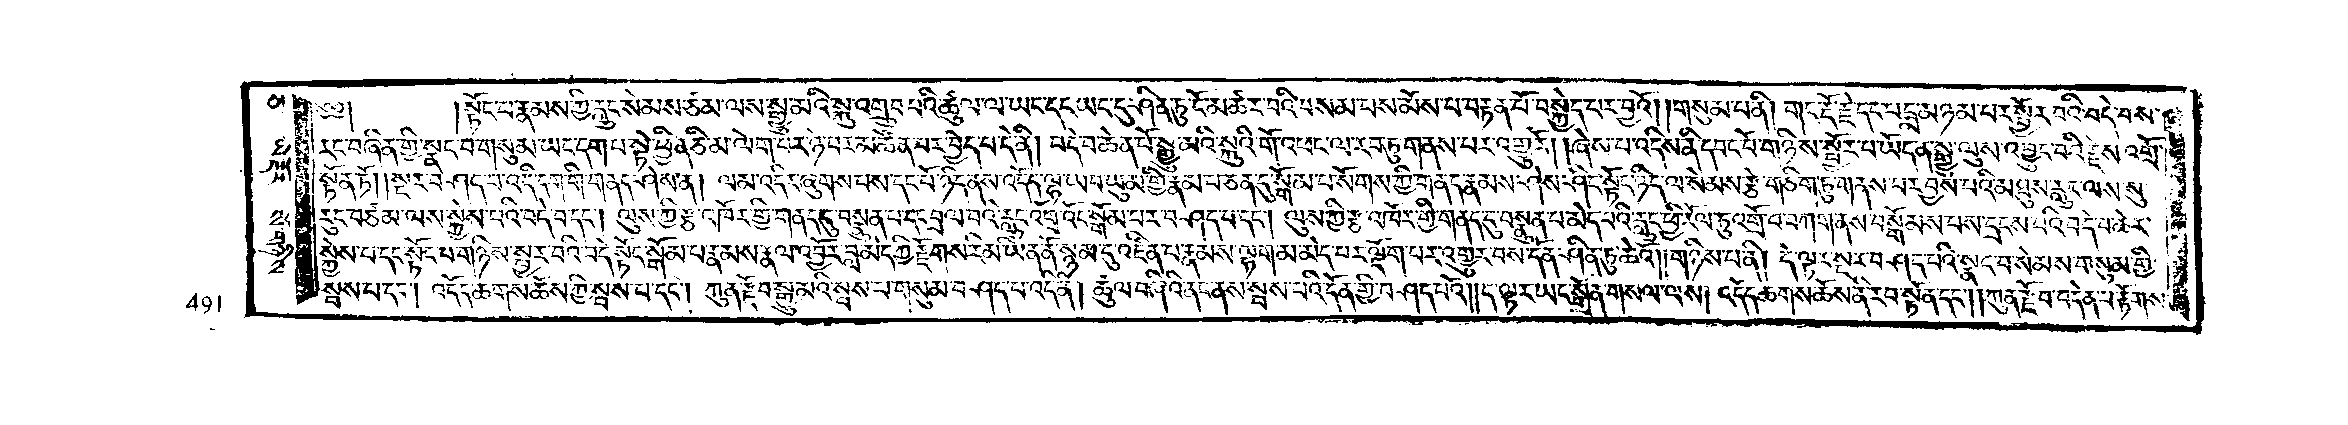༄༅། །སྟོང་པ་རྣམས་ཀྱི་རླུང་སེམས་ཙམ་ལས་སྒྱུ་མའི་སྐུ་འགྲུབ་པའི་ཚུལ་ལ་ཡང་དང་ཡང་དུ་ཤིན་ཏུ་ངོ་མཚར་བའི་བསམ་པས་མོས་པ་བརྟན་པོ་བསྐྱེད་པར་བྱའོ། །གསུམ་པ་ནི། གང་རྡོ་རྗེ་དང་པདམ་མཉམ་པར་སྦྱོར་བའི་བདེ་བས་
རང་བཞིན་གྱི་སྣང་བ་གསུམ་ཡང་དག་པ་སྟེ་ཕྱིན་ཅི་མ་ལོག་པར་ཉེ་བར་མཚོན་པར་བྱེད་པ་དེ་ནི། བདེ་བ་ཆེན་པོ་སྒྱུ་མའི་སྐུའི་གོ་འཕང་ལ་རབ་ཏུ་གནས་པར་འགྱུར་རོ། །ཞེས་པ་འདིས་ནི་དབང་པོ་གཉིས་སྦྱོར་པ་ཡོད་ན་སྒྱུ་ལུས་འབྱུང་བའི་རྗེས་འགྲོ་
སྟོན་ཏོ། །སྔར་བཤད་པ་འདི་དག་གི་གནད་ཤེས་ན། ལམ་འདིར་ཞུགས་པས་དང་པོ་ཉིད་ནས་འདོད་ལྷ་ཡབ་ཡུམ་གྱི་རྣམ་པ་ཅན་དུ་སྒོམ་པ་སོགས་ཀྱི་གནད་རྣམས་ཤེས་ཤིང་སྟོང་ཉིད་ལ་སེམས་རྩེ་གཅིག་ཏུ་གནས་པར་བྱས་པའི་མཐུས་རླུང་ལས་སུ་
རུང་བཙམ་ལས་སྐྱེས་པའི་བདེ་བ་དང་། ལུས་ཀྱི་རྩ་འཁོར་གྱི་གནད་དུ་བསྣུན་པ་དང་བྲལ་བའི་རླུང་འགྲོ་འོང་སྒོམ་པར་བཤད་པ་དང་། ལུས་ཀྱི་རྩ་འཁོར་གྱི་གནད་དུ་བསྣུན་པ་མེད་པའི་རླུང་ཕྱི་རོལ་ཏུ་འགྲོ་བ་བཀག་ནས་བསྒོམས་པས་དྲངས་པའི་བདེ་བ་ཆེར་
སྐྱེས་པ་དང་སྟོང་པ་གཉིས་སྦྱར་བའི་བདེ་སྟོང་སྒོམ་པ་རྣམས་རྣལ་འབྱོར་བླ་མེད་ཀྱི་རྫོགས་རིམ་ཡིན་ནོ་སྙམ་དུ་འཛིན་པ་རྣམས་ལྷག་མ་མེད་པར་ལྡོག་པར་འགྱུར་བས་དོན་ཤིན་ཏུ་ཆེའོ། །གཉིས་པ་ནི། དེ་ལྟར་སྔར་བཤད་པའི་སྣང་བ་སེམས་གསུམ་གྱི་
སྦས་པ་དང་། འདོད་ཆགས་ཆོས་ཀྱི་སྦས་པ་དང་། ཀུན་རྫོབ་སྒྱུ་མའི་སྦས་པ་གསུམ་བཤད་པ་འདི་ནི། ཚུལ་བཞིའི་ནང་ནས་སྦས་པའི་དོན་གྱི་བཤད་པའོ། །དེ་ལྟར་ཡང་སྒྲོན་གསལ་ལས། འདོད་ཆགས་ཆོས་ནི་རབ་སྟོན་དང་། །ཀུན་རྫོབ་བདེན་པ་རྟོགས་